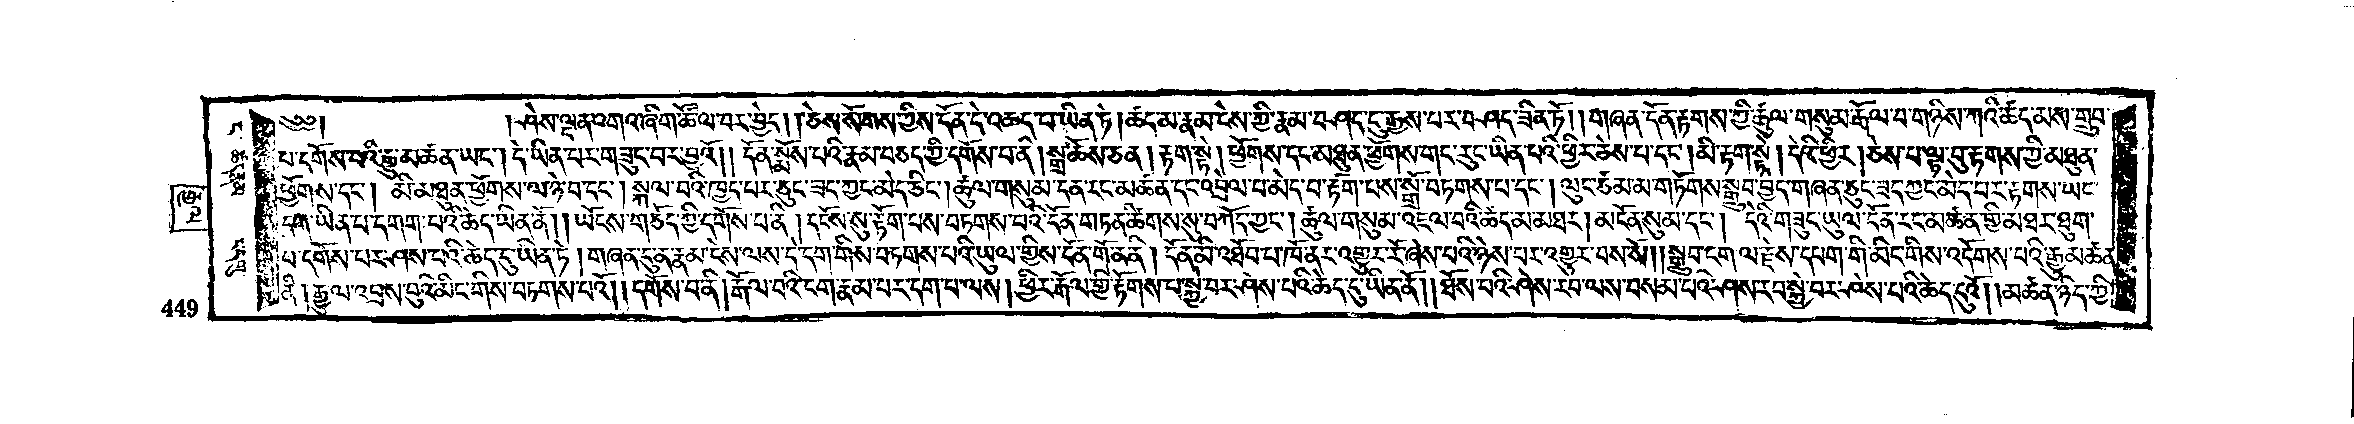༄༅། །ཤེས་ལྡན་འགའ་ཞིག་ཚོལ་བར་བྱེད། །ཅེས་སོགས་ཀྱིས་དོན་དེ་འཆད་པ་ཡིན་ཏེ། ཚད་མ་རྣམ་ངེས་ཀྱི་རྣམ་བཤད་དུ་རྒྱས་པར་བཤད་ཟིན་ཏོ། །གཞན་དོན་རྟགས་ཀྱི་ཚུལ་གསུམ་རྒོལ་བ་གཉིས་ཀའི་ཚད་མས་གྲུབ་
པ་དགོས་པའི་རྒྱུ་མཚན་ཡང་། དེ་ཡིན་པར་གཟུང་བར་བྱའོ། །དོན་སྨོས་པའི་རྣམ་བཅད་ཀྱི་དགོས་པ་ནི། སྒྲ་ཆོས་ཅན། རྟག་སྟེ། ཕྱོགས་དང་མཐུན་ཕྱོགས་གང་རུང་ཡིན་པའི་ཕྱིར་ཅེས་པ་དང་། མི་རྟག་སྟེ། དེའི་ཕྱིར། ཅེས་པ་ལྟ་བུ་རྟགས་ཀྱི་མཐུན་
ཕྱོགས་དང་། མི་མཐུན་ཕྱོགས་ལ་ཉེ་བ་དང་། སྐལ་བའི་ཁྱད་པར་ཅུང་ཟད་ཀྱང་མེད་ཅིང་། ཚུལ་གསུམ་དན་རང་མཚན་དང་འབྲེལ་པ་མེད་པ་རྟོག་པས་སྒྲོ་བཏགས་པ་དང་། ལུང་ཙམ་མ་གཏོགས་སྒྲུབ་བྱེད་གཞན་ཅུང་ཟད་ཀྱང་མེད་པར་རྟགས་ཡང་
དག་ཡིན་པ་དགག་པའི་ཆེད་ཡིན་ནོ། །ཡོངས་གཅོད་ཀྱི་དགོས་པ་ནི། དངོས་སུ་རྟོག་པས་བཏགས་པའི་དོན་གཏན་ཚིགས་སུ་བཀོད་ཀྱང་། ཚུལ་གསུམ་འཇལ་བའི་ཚད་མ་མཐར། མངོན་སུམ་དང་། དེའི་གཟུང་ཡུལ་དོན་རང་མཚན་གྱི་མཐར་ཐུག་
པ་དགོས་པར་ཤེས་པའི་ཆེད་དུ་ཡིན་ཏེ། གཞན་དུ་ན་རྣམ་ངེས་ལས་དེ་དག་གིས་བཏགས་པའི་ཡུལ་གྱིས་དོན་གོ་ན་ནི། དོན་མི་འཐོབ་པ་ཁོ་ནར་འགྱུར་རོ་ཞེས་པའི་ཉེས་པར་འགྱུར་བས་སོ། །སྒྲུབ་ངག་ལ་རྗེས་དཔག་གི་མིང་གིས་འདོགས་པའི་རྒྱུ་མཚན་
ནི། རྒྱུལ་འབྲས་བུའི་མིང་གིས་བཏགས་པའོ། །དགོས་པ་ནི། རྒོལ་བའི་ངག་རྣམ་པར་དག་པ་ལས། ཕྱིར་རྒོལ་གྱི་རྟོགས་པ་སྐྱེ་བར་ཤེས་པའི་ཆེད་དུ་ཡིན་ནོ། །ཐོབ་པའི་ཤེས་རབ་ལས་བསམ་པའི་ཤེས་རབ་སྐྱེ་བར་ཤེས་པའི་ཆེད་དུའོ། །མཚན་ཉིད་ཀྱི་